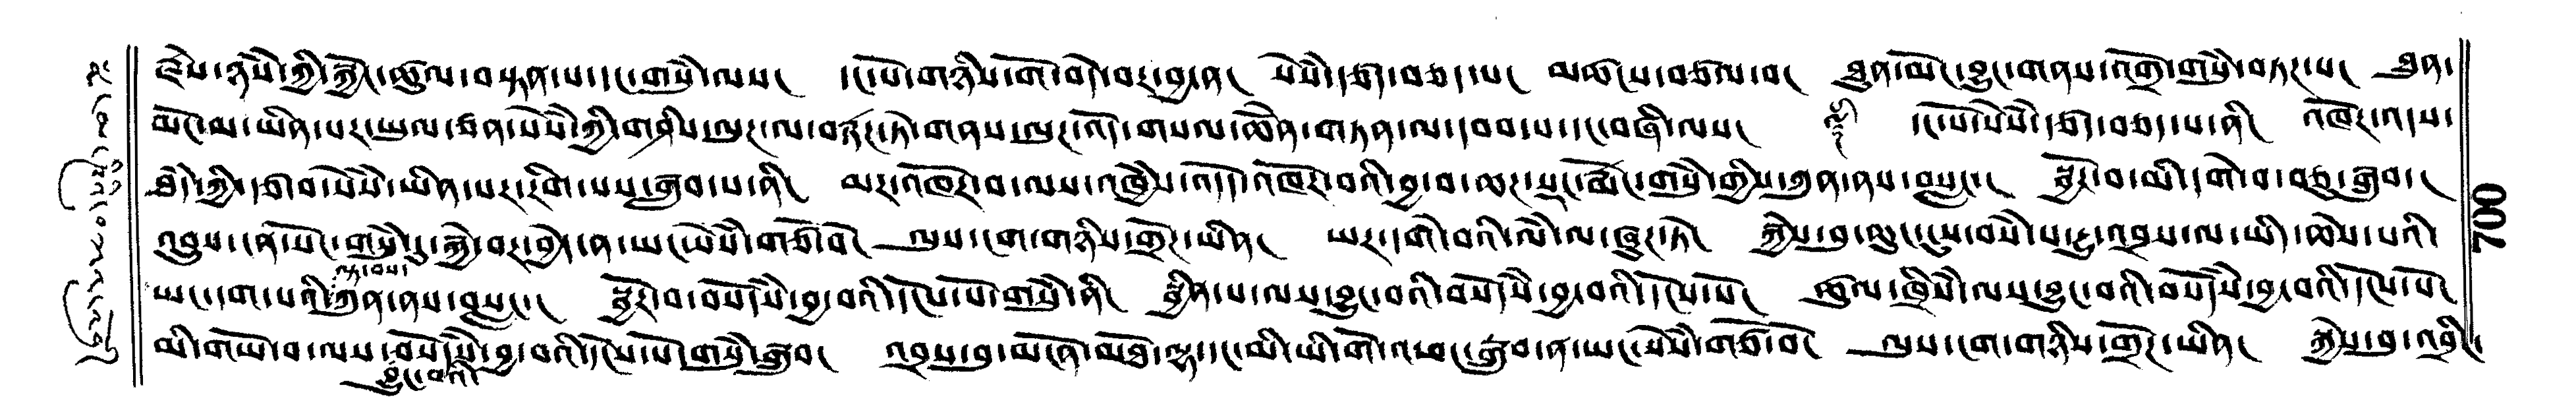རྗེས་ཉམས་ཀྱི་སྐྱོང་ཚུལ་བསྟན་པ་དང་གསུམ་ལས། དང་པོ་གཉིས་གོ་བདེ་བར་བྱས་ན། སེམས་རྩད་བཅད་པ། མཚང་བཙལ་བ། ཐུན་མོང་བྱུང་གནས་འགྲོ་གསུམ་བཏག་པ། ཐུན་
མོང་མ་ཡིན་པ་ཡུལ་ཅན་སེམས་ཀྱི་གཤིས་ལུགས་ལ་བརྟགས་ཏེ་གནས་ལུགས་འོད་གསལ་ཆེན་པོ་གཏན་ལ་དབབ་པ་དང་བཞི་ལས། ༈ དང་པོ་སེམས་རྩད་བཅད་པ་ལ། འཁོར་འདས་
ཐམས་ཅད་ཀྱི་རྩ་བ་སེམས་ཡིན་པར་རིགས་པས་སྒྲུབ་པ་ནི། མར་འཁོར་བ་ལས་འཁྱམས་འདོད་འཁོར་བའི་བྱ་བ་ཆགས་སྡང་རྨོངས་གསུམ་གྱིས་ཀུན་ནས་བསླང་། སྦྱོར་བ་མི་དགེ་བ་བཅུ་སྒྲུབ། 
འབྲས་བུ་ངན་སོང་གསུམ་དུ་སྐྱེ་བར་བྱེད་ན་ཡང་སེམས་གཙོ་བོ། ལུས་ངག་གཉིས་གྲོགས་ཡིན། ཡར་དགེ་བའི་ལམ་ལ་ཞུགས་ཏེ། སྐྱེས་བུ་ཆུང་ངུས་བསམ་པ་རྒྱུ་འབྲས་ལ་ཡིད་ཆེས་པའི་
ཡང་དག་པའི་ལྟ་བས་ཀུན་ནས་བསླང་། སྦྱོར་བ་བསོད་ནམས་བྱ་བའི་དངོས་པོ་གསུམ་ནི། སྦྱིན་པ་ལས་བྱུང་བའི་བསོད་ནམས་བྱ་བའི་དངོས་པོ།ཚུལ་ཁྲིམས་ལས་བྱུང་བའི་བསོད་ནམས་བྱ་བའི་དངོས་པོ། 
མི་གཡོ་བ་ལས་བྱུང་བའི་བསོད་ནམས་བྱ་བའི་དངོས་པོ་གསུམ་སྒྲུབ། འབྲས་བུ་མངོན་མཐོ་ལྷ་དང་མི་ཡི་གོ་འཕང་སྒྲུབ་ན་ཡང་སེམས་གཙོ་བོ། ལུས་ངག་གཉིས་གྲོགས་ཡིན། སྐྱེས་བུ་འབྲིང་